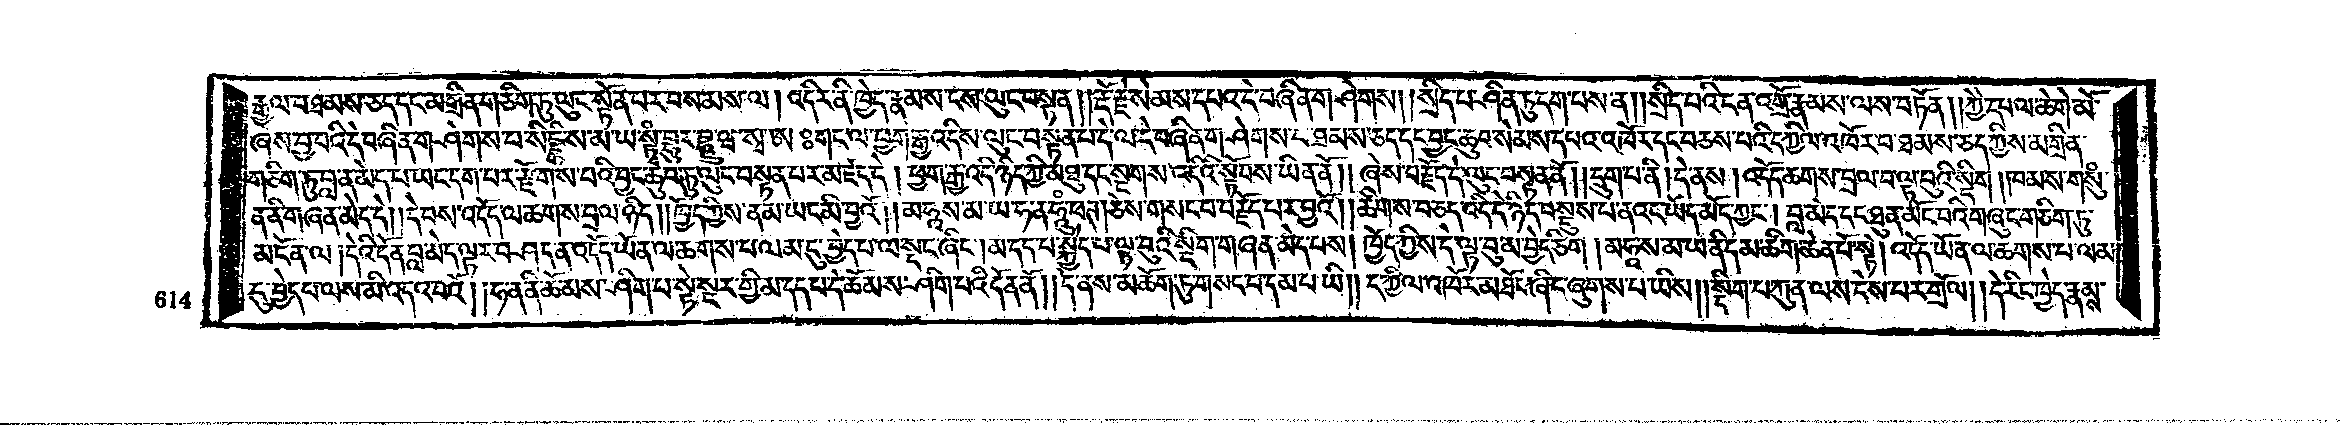རྒྱལ་བ་ཐམས་ཅད་དང་མགྲིན་གཅིག་ཏུ་ལུང་སྟོན་པར་བསམས་ལ། འདིར་ནི་ཁྱེད་རྣམས་ངས་ལུང་བསྟན། །རྡོ་རྗེ་སེམས་དཔའ་དེ་བཞིན་གཤེགས། །སྲིད་པ་ཤིན་ཏུ་དག་པས་ན། །སྲིད་པའི་ངན་འགྲོ་རྣམས་ལས་བཏོན། །ཀྱཻ་དཔལ་ཆེ་གེ་མོ་
ཞེས་བྱ་བའི་དེ་བཞིན་གཤེགས་པ་སིདྡྷི་ས་མ་ཡ་སྟྭཾ་བྷུར་བྷཱུ་ཝ་སྭ་ཨཿ གང་ལ་ཕྱག་རྒྱ་འདིས་ལུང་བསྟན་པ་དེ་ལ་དེ་བཞིན་གཤེགས་པ་ཐམས་ཅད་དང་བྱང་ཆུབ་སེམས་དཔའ་འཁོར་དང་བཅས་པའི་དཀྱིལ་བ་ཐམས་ཅད་ཀྱིས་མགྲིན་
གཅིག་ཏུ་བླ་ན་མེད་པ་ཡང་དག་པར་རྫོགས་པའི་བྱང་ཆུབ་ཏུ་ལུང་བསྟན་པར་མཛད་དེ། ཕྱག་རྒྱ་འདི་ཉིད་ཀྱི་མཐུ་དང་སྔགས་འདིའི་སྟོབས་ཡིན་ནོ། །ཞེས་བརྗོད་དེ་ལུང་བསྟན་ནོ། །དྲུག་པ་ནི། དེ་ནས། འདོད་ཆགས་བྲལ་བ་ལྟ་བུའི་སྡིག། ཁམས་གསུཾ་
ན་ནི་གཞན་མེད་དེ། །དེ་བས་འདོད་ལ་ཆགས་བྲལ་ཉིད། །ཁྱོད་ཀྱིས་ནམ་ཡང་མི་བྱའོ། །མཧཱ་ས་མ་ཡ་ཧ་ན་ཧཱུཾ་ཕཊ། ཆེས་གསང་བ་བརྗོད་པར་བྱའོ། །ཚིགས་བཅད་འདི་དེ་ཉིད་བསྡུས་པ་ནའང་ཡོད་མོད་ཀྱང་། བླ་མེད་དང་ཐུན་མོང་བའི་གཞུང་གཅིག་ཏུ་
མངོན་ལ། དེའི་དོན་བླ་མེད་ལྟར་བཤད་ན་འདོད་ཡོན་ལ་ཆགས་པ་ལམ་དུ་བྱེད་པ་ལ་སྡང་ཞིང་། མ་དད་པ་སྐྱེད་པ་ལྟ་བུའི་སྡིག་གཞན་མེད་པས། ཁྱོད་ཀྱིས་དེ་ལྟ་བུ་མ་བྱེད་ཅིག། མཧཱ་ས་མ་ཡ་ནི་དམ་ཚིག་ཆེན་པོ་སྟེ། འདོད་ཡོན་ལ་ཆགས་པ་ལམ་
དུ་བྱེད་པ་ལས་མི་འདའ་བའོ། །ཧ་ན་ནི་ཆོ་མས་ཤིག་པ་སྟེ་སྔར་གྱི་མ་དད་པ་དེ་ཆོམས་ཤིག་པའི་དོན་ནོ། །དེ་ནས་མཆོག་ཏུ་གསང་བ་དམ་པ་ཡི། །དཀྱིལ་འཁོར་མཐོང་ཞིང་ཞུགས་པ་ཡིས། །སྡིག་པ་ཀུན་ལས་ངེས་པར་གྲོལ། །དེ་རིང་ཁྱེད་རྣམས་